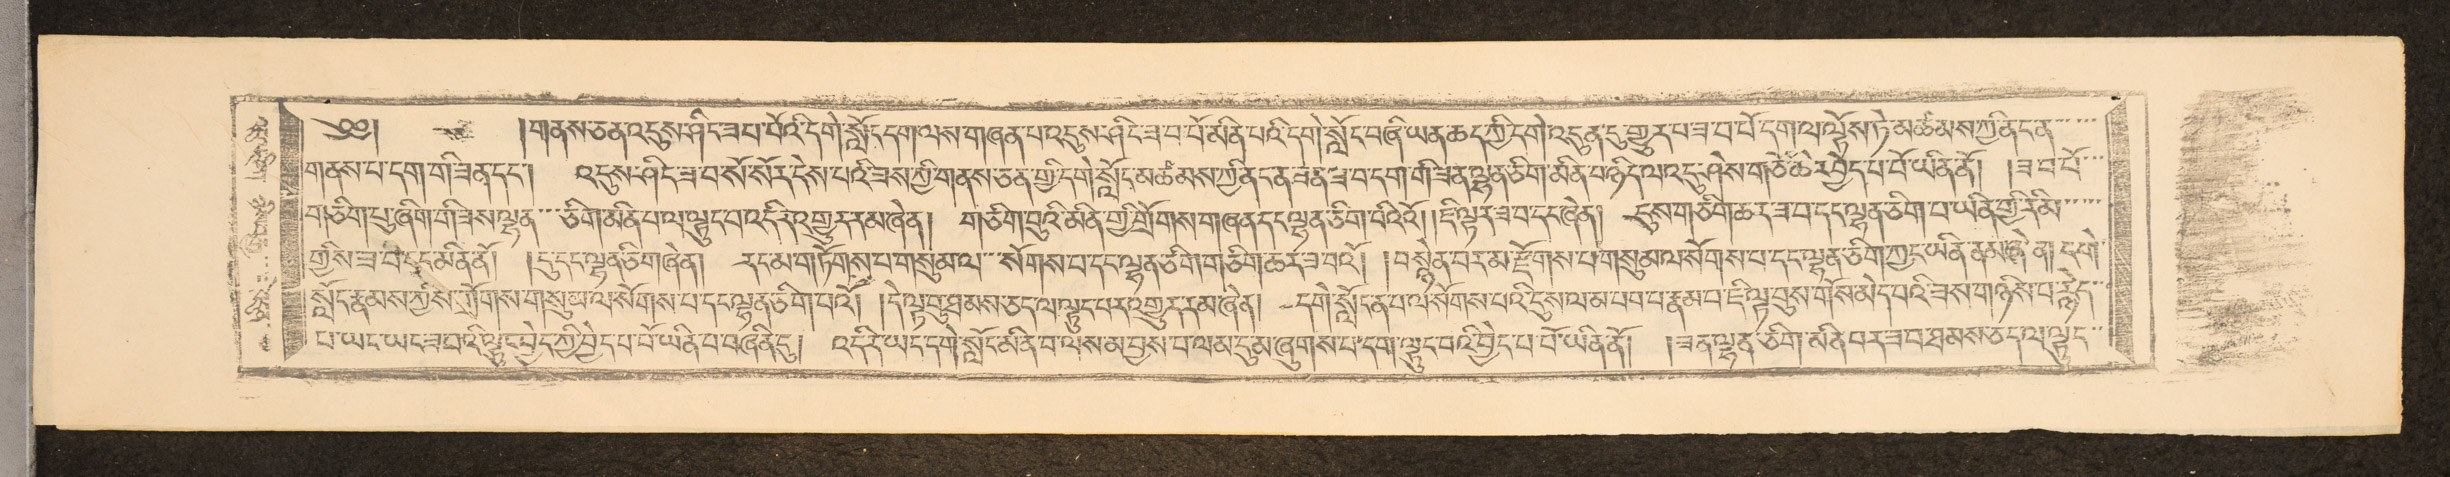༄༅། །གནས་ཅན་འདུས་ཤིང་ཟ་བ་པོའི་དགེ་སློང་དག་ལས་གཞན་པ་འདུས་ཤིང་ཟ་བ་པོ་མིན་པའི་དགེ་སློང་བཞི་ཡན་ཆད་ཀྱི་དགེ་འདུན་དུ་གྱུར་པ་ཟ་བ་པོ་དག་ལ་ལྟོས་ཏེ་མཚམས་ཀྱི་ནང་ན་
གནས་པ་དག་གི་ཟན་དང་། འདུས་ཤིང་ཟ་བ་སོ་སོར་ངེས་པའི་ཟས་ཀྱི་གནས་ཅན་གྱི་དགེ་སློང་མཚམས་ཀྱི་ནང་ན་ཟན་ཟ་བ་དག་གི་ཟན་ལྷན་ཅིག་མིན་པ་ཉིད་ལ་འདུ་ཤེས་གཙོ་ཆེར་བྱེད་པ་པོ་ཡིན་ནོ། །ཟ་བ་པོ་
གཅིག་པུ་ཞིག་གི་ཟས་ལྷན་ཅིག་མིན་པ་ལ་ལྟུང་བ་འདིར་འགྱུར་རམ་ཞེ་ན། གཅིག་བུའི་མིན་གྱི་གྲོགས་གཞན་དང་ལྷན་ཅིག་པའིའོ། །ཇི་ལྟར་ཟ་བ་དང་ཞེ་ན། དུས་གཅིག་ཆར་ཟ་བ་དང་ལྷན་ཅིག་པ་ཡིན་གྱི་རིམ་
གྱིས་ཟ་བ་དང་མིན་ནོ། །དུ་དང་ལྷན་ཅིག་ཞེན། རང་མ་གཏོགས་པ་གསུམ་ལ་སོགས་པ་དང་ལྷན་ཅིག་གཅིག་ཆར་ཟ་བའོ། །བསྟེན་པར་མ་རྫོགས་པ་གསུམ་ལ་སོགས་པ་དང་ལྷན་ཅིག་ཀྱང་ཡིན་ནམ་ཞེ་ན། དགེ་
སློང་རྣམས་ཀྱིས་གྲོགས་གསུམ་ལ་སོགས་པ་དང་ལྷན་ཅིག་པའོ། །དེ་ལྟ་བུ་ཐམས་ཅད་ལ་ལྟུང་བར་འགྱུར་རམ་ཞེ་ན། དགེ་སློང་ན་བལ་སོགས་པའི་དུས་ལ་མ་བབ་པ་རྣམ་པ་ཇི་ལྟ་བུས་གོས་མེད་པའི་ཟས་གཉིས་པ་རྙེད་
པ་ཡང་ཡང་ཟ་བའི་ལྟུང་བྱེད་ཀྱི་བྱེད་པ་པོ་ཡིན་པ་བཞིན་དུ། འདིར་ཡང་དགེ་སློང་མིན་པ་ལས་མ་བྱས་པ་ལམ་དུ་མ་ཞུགས་པ་དག་ལྟུང་བའི་བྱེད་པ་པོ་ཡིན་ནོ། །ཟན་ལྷན་ཅིག་མིན་པར་ཟ་བ་ཐམས་ཅད་ལ་ལྟུང་